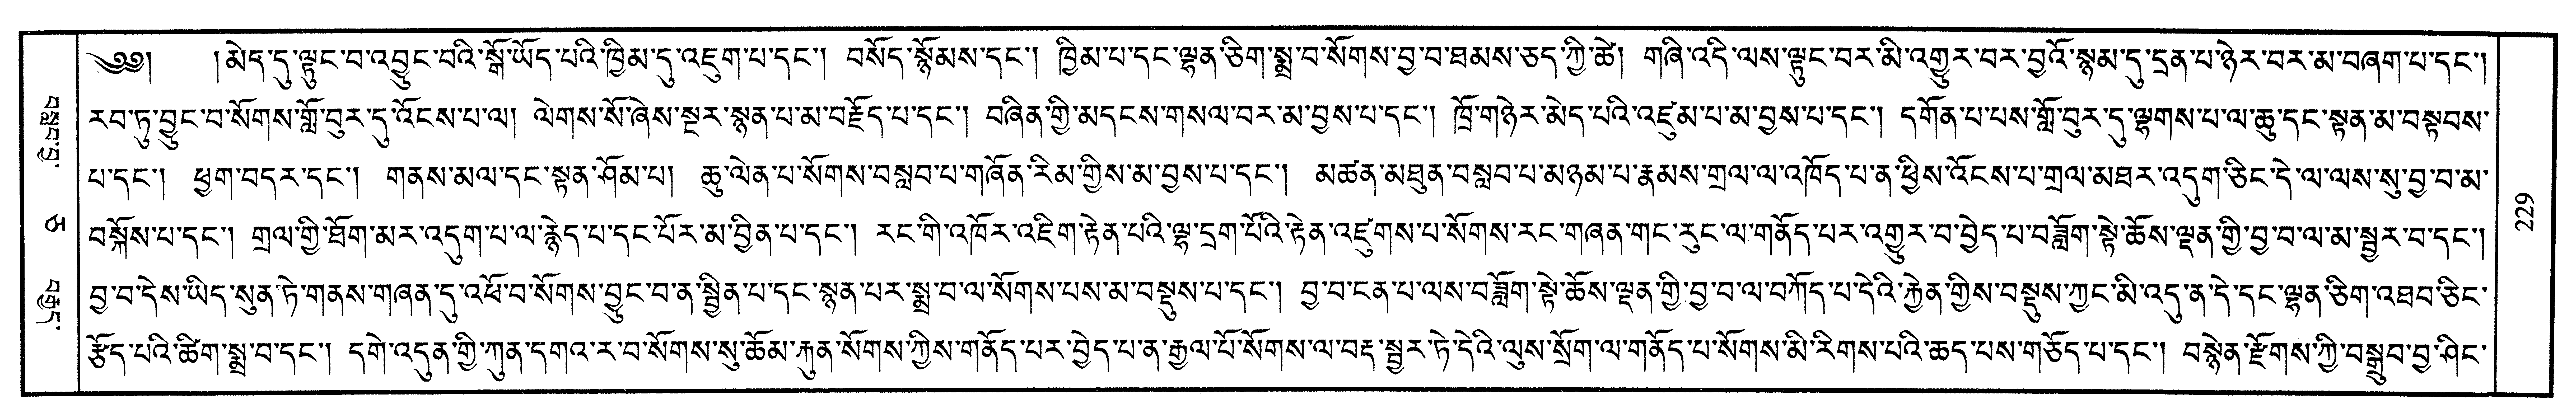༄༅། །མེད་དུ་ལྟུང་བ་འབྱུང་བའི་སྒོ་ཡོད་པའི་ཁྱིམ་དུ་འཇུག་པ་དང་། བསོད་སྙོམས་དང་། ཁྱིམ་པ་དང་ལྷན་ཅིག་སྨྲ་བ་སོགས་བྱ་བ་ཐམས་ཅད་ཀྱི་ཚེ། གཞི་འདི་ལས་ལྟུང་བར་མི་འགྱུར་བར་བྱའོ་སྙམ་དུ་དྲན་པ་ཉེར་བར་མ་བཞག་པ་དང་།
རབ་ཏུ་བྱུང་བ་སོགས་གློ་བུར་དུ་འོངས་པ་ལ། ལེགས་སོ་ཞེས་སྔར་སྙན་པ་མ་བརྗོད་པ་དང་། བཞིན་གྱི་མདངས་གསལ་བར་མ་བྱས་པ་དང་། ཁྲོ་གཉེར་མེད་པའི་འཛུམ་པ་མ་བྱས་པ་དང་། དགོན་པ་པས་གློ་བུར་དུ་ལྷགས་པ་ལ་ཆུ་དང་སྟན་མ་བསྟབས་
པ་དང་། ཕྱག་བདར་དང་། གནས་མལ་དང་སྟན་ཤོམ་པ། ཆུ་ལེན་པ་སོགས་བསླབ་པ་གཞོན་རིམ་གྱིས་མ་བྱས་པ་དང་། མཚན་མཐུན་བསླབ་པ་མཉམ་པ་རྣམས་གྲལ་ལ་འཁོད་པ་ན་ཕྱིས་འོངས་པ་གྲལ་མཐར་འདུག་ཅིང་དེ་ལ་ལས་སུ་བྱ་བ་མ་
བསྐོས་པ་དང་། གྲལ་གྱི་ཐོག་མར་འདུག་པ་ལ་རྙེད་པ་དང་པོར་མ་བྱིན་པ་དང་། རང་གི་འཁོར་འཇིག་རྟེན་པའི་ལྷ་དང་པོའི་རྟེན་འཛུགས་པ་སོགས་རང་གཞན་གང་རུང་ལ་གནོད་པར་འགྱུར་བ་བྱེད་པ་བཟློག་སྟེ་ཆོས་ལྡན་གྱི་བྱ་བ་ལ་མ་སྦྱར་བ་དང་།
བྱ་བ་དེས་ཡིད་སུན་ཏེ་གནས་གཞན་དུ་འཕོ་བ་སོགས་བྱུང་བ་ན་སྦྱིན་པ་དང་སྙན་པར་སྨྲ་བ་ལ་སོགས་པས་མ་བསྡུས་པ་དང་། བྱ་བ་ངན་པ་ལས་བཟློག་སྟེ་ཆོས་ལྡན་གྱི་བྱ་བ་ལ་བཀོད་པ་དེའི་རྐྱེན་གྱིས་བསྡུས་ཀྱང་མི་འདུ་ན་དེ་དང་ལྷན་ཅིག་འཐབ་ཅིང་
རྩོད་པའི་ཚིག་སྨྲ་བ་དང་། དགེ་འདུན་གྱི་ཀུན་དགའ་ར་བ་སོགས་སུ་ཆོམ་རྐུན་སོགས་ཀྱིས་གནོད་པར་བྱེད་པ་ན་རྒྱལ་པོ་སོགས་ལ་བརྡ་སྦྱར་ཏེ་དེའི་ལུས་སྲོག་ལ་གནོད་པ་སོགས་མི་རིགས་པའི་ཆད་པས་གཅོད་པ་དང་། བསྙེན་རྫོགས་ཀྱི་བསྒྲུབ་བྱ་ཤིང་